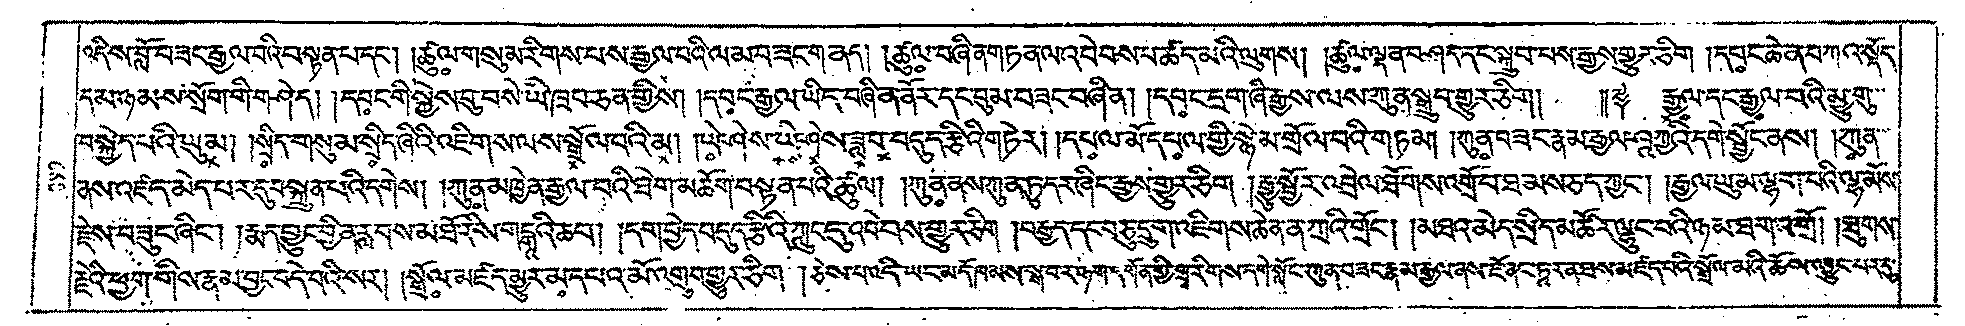འདིས་བློ་བཟང་རྒྱལ་བའི་བསྟན་པ་དང་། །ཚུལ྾་གསུམ་རིགས་པས་རྒྱལ་བའི་ལམ་བཟང་གནད། །ཚུལ྾་བཞིན་གཏན་ལ་འབེབས་པ་ཚད་མའི་ལུགས། །ཚུལ྾་ལྡན་བཤད་དང་སྒྲུབ་པས་རྒྱས་གྱུར་ཅིག །དབང྾་ཆེན་བཀའ་སྡོད་
དམ་ཉམས་སྲོག་གི་གཤེད། །དབང྾་གི་སྐྱེས་བུ་བསེ་ཡི་ཁྲབ་ཅན་གྱིས། །དབང྾་རྒྱལ་ཡིད་བཞིན་ནོར་དང་བུམ་བཟང་བཞིན། །དབང྾་དྲག་ཞི་རྒྱས་ལས་ཀུན་སྒྲུབ་གྱུར་ཅིག ། །། ༈ རྒྱལ་྾་྾་དང་རྒྱལ྾་བའི་མྱུ་གུ་
བསྐྱེད་པའི་ཡུམ་྾། །སྲིད྾་གསུམ་སྲིད྾་ཞིའི་འཇིགས་ལས་སྒྲོལ་བའི་མ་྾། །ཡེ྾་ཤེས་ཡེ་྾་྾་ཤེས་྾་ཟླ་྾་བ་྾་བདུད་རྩིའི་གཏེར། །དཔལ྾་མ་དཔལ྾་གྱི་སྙེ་མ་གྲོལ་བའི་གཏམ། །ཀུན྾་བཟང་རྣམ་རྒྱལ་ཤཱཀྱའི་དགེ་སྦྱོང་ནས། །ཀུན྾་
ནས་འཛད་མེད་པར་དུ་བསྐྲུན་པའི་དགེས། །ཀུན྾་མཁྱེན་རྒྱལ་བའི་ཐེག་མཆོག་བསྟན་པའི་ཚུལ། །ཀུན྾་ནས་ཀུན་ཏུ་དར་ཞིང་རྒྱས་གྱུར་ཅིག །རྒྱུ་སྦྱོར་འབྲེལ་ཐོགས་འགྲོ་བ་ཐམས་ཅད་ཀྱང་། །རྒྱལ་ཡུམ་ལྷག་པའི་ལྷ་མོས་
རྗེས་བཟུང་ཞིང་། །རྨད་བྱུང་བྱིན་རླབས་མཐོ་རིས་གངྒཱའི་ཆབ། །དག་བྱེད་བདུད་རྩིའི་ཀླུང་དུ་འབེབས་གྱུར་ཅིག །བརྒྱད་དང་བཅུ་དྲུག་འཇིགས་ཆེན་ན་ཀྲའི་གྲོང་། །ཐའ་མེད་སྲིད་མཚོར་ལྷུང་བའི་ཉམ་ཐག་འགྲོ། །ཐུགས་
རྗེའི་ཕྱག་གིས་རྣམ་བྱང་བདེ་བའི་སར། །སྒྲོལ྾་མཛད་མྱུར་མ྾་དཔའ་མོ་འགྲུབ་གྱུར་ཅིག །ཅེས་པ་འདི་ཡང་མདོ་ཁམས་སྒ་བ་ར་ཉག་དགོན་གྱི་གྲྭ་རིགས་དགེ་སློང་ཀུན་བཟང་རྣམ་རྒྱལ་ནས་ཇོ་ནང་ཏཱ་ར་ན་ཐས་མཛད་པའི་སྒྲོལ་མའི་ཆོས་འབྱུང་པར་དུ་